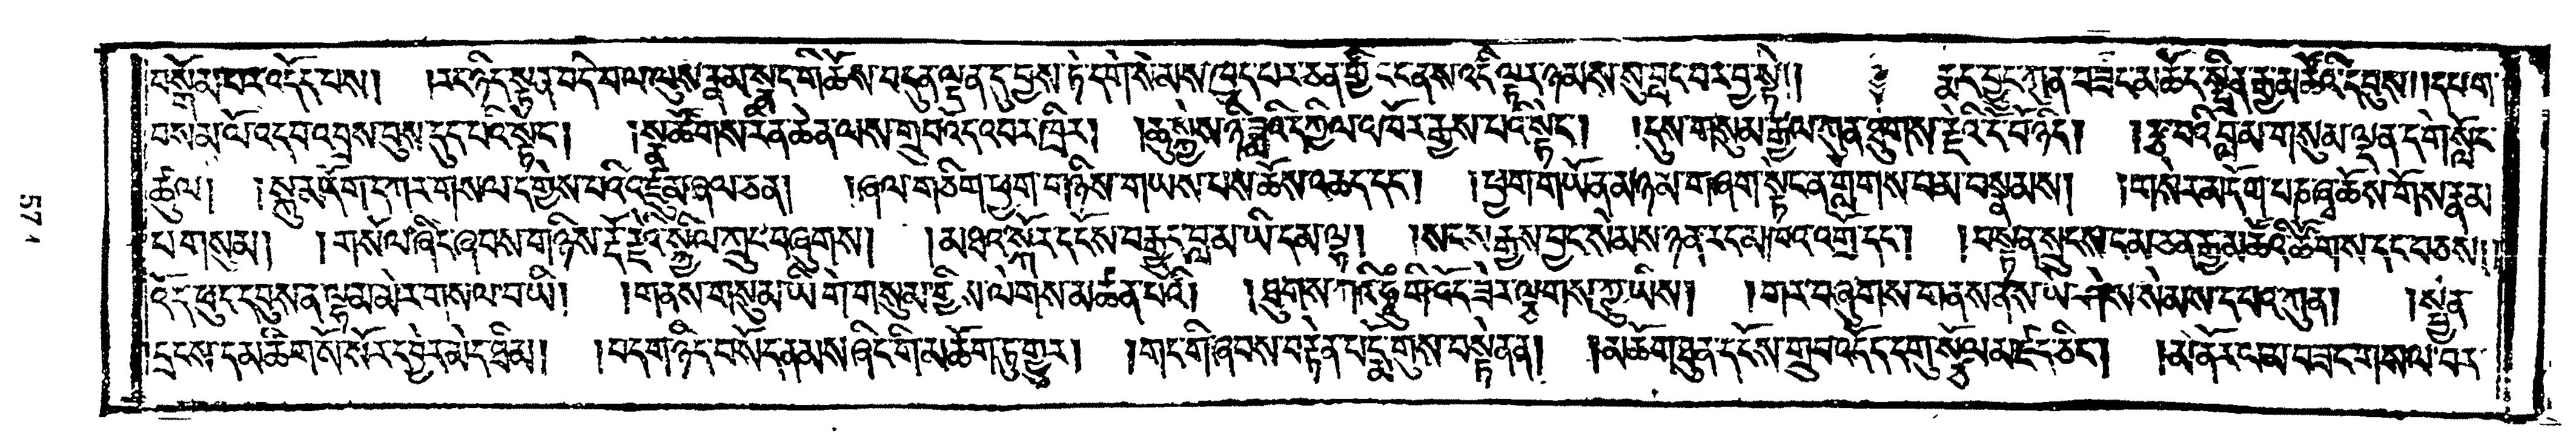བསྒོམ་པར་འདོད་པས། །རང་ཉིད་སྟན་བདེ་བ་ལ་ལུས་རྣམ་སྣང་གི་ཆོས་བདུན་ལྡན་དུ་བྱས་ཏེ་དགེ་སེམས་ཁྱད་པར་ཅན་གྱི་ངང་ནས་འདི་ལྟར་ཉམས་སུ་བླང་བར་བྱ་སྟེ། ། ༈ རྨང་བྱུང་ཀུན་བཟང་མཆོད་སྤྲིན་རྒྱ་མཚོའི་དབུས། །དཔག་
བསམ་ལོ་འདབ་འབྲས་བུས་དུད་པའི་སྟེང་། །སྣ་ཚོགས་རིན་ཆེན་ལས་གྲུབ་འོད་འབར་ཁྲིར། །ཆུ་སྐྱེས་ཉི་ཟླའི་དཀྱིལ་འཁོར་རྒྱས་པའི་སྟེང་། །དུས་གསུམ་རྒྱལ་ཀུན་ཐུགས་རྗེའི་ངོ་བོ་ཉིད། །རྩ་བའི་བླ་མ་གསུམ་ལྡན་དགེ་སློང་
ཚུལ། །སྐུ་མདོག་དཀར་གསལ་དགྱེས་པའི་འཛུམ་ཞལ་ཅན། །ཞལ་གཅིག་ཕྱག་གཉིས་གཡས་པས་ཆོས་འཆད་དང་། །ཕྱག་གཡོན་མཉམ་གཞག་སྟེང་ན་གླེགས་བམ་བསྣམས། །གསེར་མདོག་པཎ་ཞྭ་ཆོས་གོས་རྣམ་
པ་གསུམ། །གསོལ་ཞིང་ཞབས་གཉིས་རྡོ་རྗེའི་སྐྱིལ་ཀྲུང་བཞུགས། །མཐའ་སྐོར་དངོས་བརྒྱུད་བླ་མ་ཡི་དམ་ལྷ། །སངས་རྒྱས་བྱང་སེམས་ཉན་རང་མཁའ་འགྲོ་དང་། །བསྟན་སྲུངས་དམ་ཅན་རྒྱ་མཚོའི་ཚོགས་དང་བཅས།།
འོད་ཕུང་དབུས་ན་ལྷ་མ་མེར་གསལ་བ་ཡི། །གནས་གསུམ་ཡི་གེ་གསུམ་གྱིས་ལེགས་མཚན་པའི། །ཐུགས་ཀའི་ཧཱུཾ་གི་འོད་ཟེར་ལྕགས་ཀྱུ་ཡིས། །གར་བཞུགས་གནས་ནས་ཡེ་ཤེས་སེམས་དཔའ་ཀུན། །སྤྱན་
དྲངས་དམ་ཚིག་སོ་སོར་དབྱེར་མེད་ཐིམ། །བདག་ཉིད་བསོད་ནམས་ཞིང་གི་མཆོག་ཏུ་གྱུར། །གང་གི་ཞབས་བརྟེན་པདམོ་གུས་བསྟེན་ན། །མཆོག་ཐུན་དངོས་གྲུབ་འདོད་དགུ་སྩོལ་མཛད་ཅིང་། །མ་ནོར་ལམ་བཟང་གསལ་བར་